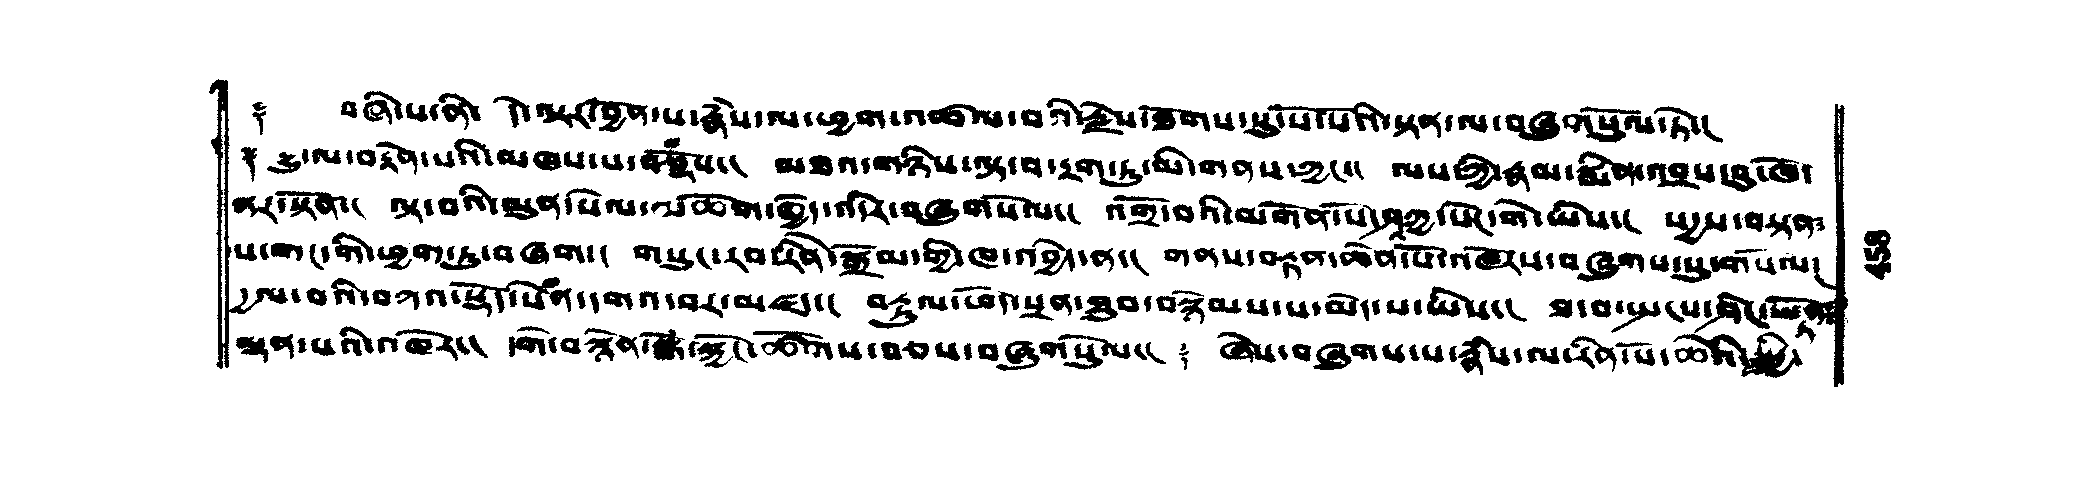བཞི་པ་ནི། དེ་ལྟར་བྱོན་པ་རྣམས་ལ་ཕྱག་འཚལ་བའི་རྗེས་ཐོགས་སུ་སོ་སོའི་སྟན་ལ་བཞུགས་སུ་གསོལ་ཏེ། 
རྒྱུ་ལ་བརྟེན་པའི་མཁས་པ་བཅོམ་ལྡན་འདས། །མཐའ་གཉིས་ལྟ་བ་རྟག་ཏུ་མི་གནས་ཀྱང་། །ལས་ཀྱི་རྣམ་སྨིན་འབྲས་བུ་ཁོ་
ནར་སྟོན། །ལྟ་བའི་མུན་སེལ་མཆོག་ཁྱོད་འདིར་བཞུགས་གསོལ། །འགྲོ་བའི་མགོན་པོ་ཤཱཀྱ་སེང་གེ་ཡིས། །སངས་རྒྱས་བསྟན་
པ་གང་གི་ཕྱག་ཏུ་བཞག །གསུང་རབ་རིན་ཆེན་སྒྲོམ་གྱི་ཁ་འབྱེད་ན། །གནས་བརྟན་ཆེན་པོ་འཁོར་བཅས་བཞུགས་སུ་གསོལ། །
རྒྱལ་བའི་བཀའ་སྡོད་སེམས་ཅན་དགའ་བར་མཛད། །བརྟུལ་ཕོད་སྲན་ཐུབ་སྙེམ་པ་མེད་པ་ཡི། །ཐ་བ་སྤངས་ཞིང་ཡོན་ཏན་
ལྡན་པའི་འཁོར། །དགེ་བསྙེན་སྒོ་སྐྱོང་ཚོགས་བཅས་བཞུགས་སུ་གསོལ། ཞེས་བཞུགས་པ་རྣམས་ལ་རིན་པོ་ཆེའི་སྤྱི་